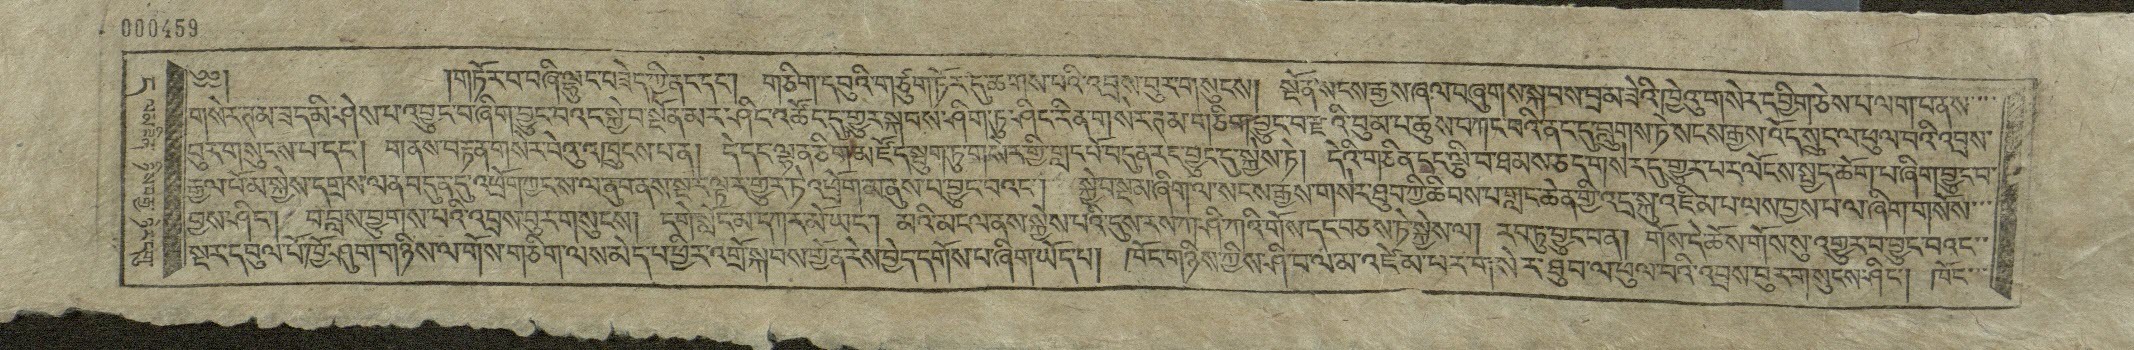༄༅། །གཏོར་བ་བཞི་ལྷུང་བཟེད་ཀྱི་ནང་དང་། གཅིག་དབུའི་གཙུག་ཏོར་དུ་ཆགས་པའི་འབྲས་བུར་གསུངས། སྔོན་སངས་རྒྱས་ཞལ་བཞུགས་སྐབས་བྲམ་ཟེའི་ཁྱེའུ་གསེར་དབྱིག་ཅེས་པ་ལག་པ་ནས་
གསེར་ཊམ་ཟད་མི་ཤེས་པ་འབྱུང་བ་ཞིག་བྱུང་བའང་སྐྱེ་བ་སྔོན་མར་ཤིང་འཚོང་དུ་གྱུར་སྐབས་ཤིག་ཏུ་ཤིང་རིན་གསེར་ཊམ་གཅིག་བྱུང་བ་རྫའི་བུམ་པ་ཆུས་བཀང་བའི་ནང་དུ་བླུགས་ཏེ་སངས་རྒྱས་འོད་སྲུང་ལ་ཕུལ་བའི་འབྲས་
བུར་གསུངས་པ་དང་། གནས་བརྟན་གསེར་བེའུ་འཁྲུངས་པ་ན། དེ་དང་ལྷན་ཅིག་མཛོད་སྦུག་ཏུ་གསེར་གྱི་གླང་པོ་བདུན་རང་བྱུང་དུ་སྐྱེས་ཏེ། དེའི་གཅིན་དང་ལྕི་བ་ཐམས་ཅད་གསེར་དུ་གྱུར་པར་ལོངས་སྤྱད་ཆོག་པ་ཞིག་བྱུང་བ་
རྒྱལ་པོ་མ་སྐྱེས་དགྲས་ལན་བདུན་དུ་འཕྲོག་ཀྱང་ས་ལ་ནུབ་ནས་སྔར་ལྟར་གྱུར་ཏེ་འཕྲོག་མ་ནུས་པ་བྱུང་བའང་། སྐྱེ་བ་སྔ་མ་ཞིག་ལ་སངས་རྒྱས་གསེར་ཐུབ་ཀྱི་ཆིབས་པ་གླང་ཆེན་གྱི་འདྲ་སྐུ་འཇིམ་པ་ལས་བྱས་པ་ལ་ཞིག་གསོས་
བྱས་ཤིང་། བ་བླས་བྱུགས་པའི་འབྲས་བུར་གསུངས། དགེ་སློང་མ་དཀར་མོ་ཡང་། མའི་མངལ་ནས་སྐྱེས་པའི་དུས་རས་ཀ་ཤི་ཀའི་གོས་དང་བཅས་ཏེ་སྐྱེས་ལ། རབ་ཏུ་བྱུང་བ་ན། གོས་དེ་ཆོས་གོས་སུ་འགྱུར་བ་བྱུང་བའང་
སྔར་དབུལ་པོ་ཁྱོ་ཤུག་གཉིས་ལ་གོས་གཅིག་ལས་མེད་པ་ཕྱིར་འགྲོ་སྐབས་གྱོན་རེས་བྱེད་དགོས་པ་ཞིག་ཡོད་པ། ཁོང་གཉིས་ཀྱིས་ཤི་བ་ལ་མ་འཛེམ་པར་གསེར་ཐུབ་ལ་ཕུལ་བའི་འབྲས་བུར་གསུངས་ཤིང་། ཁོང་